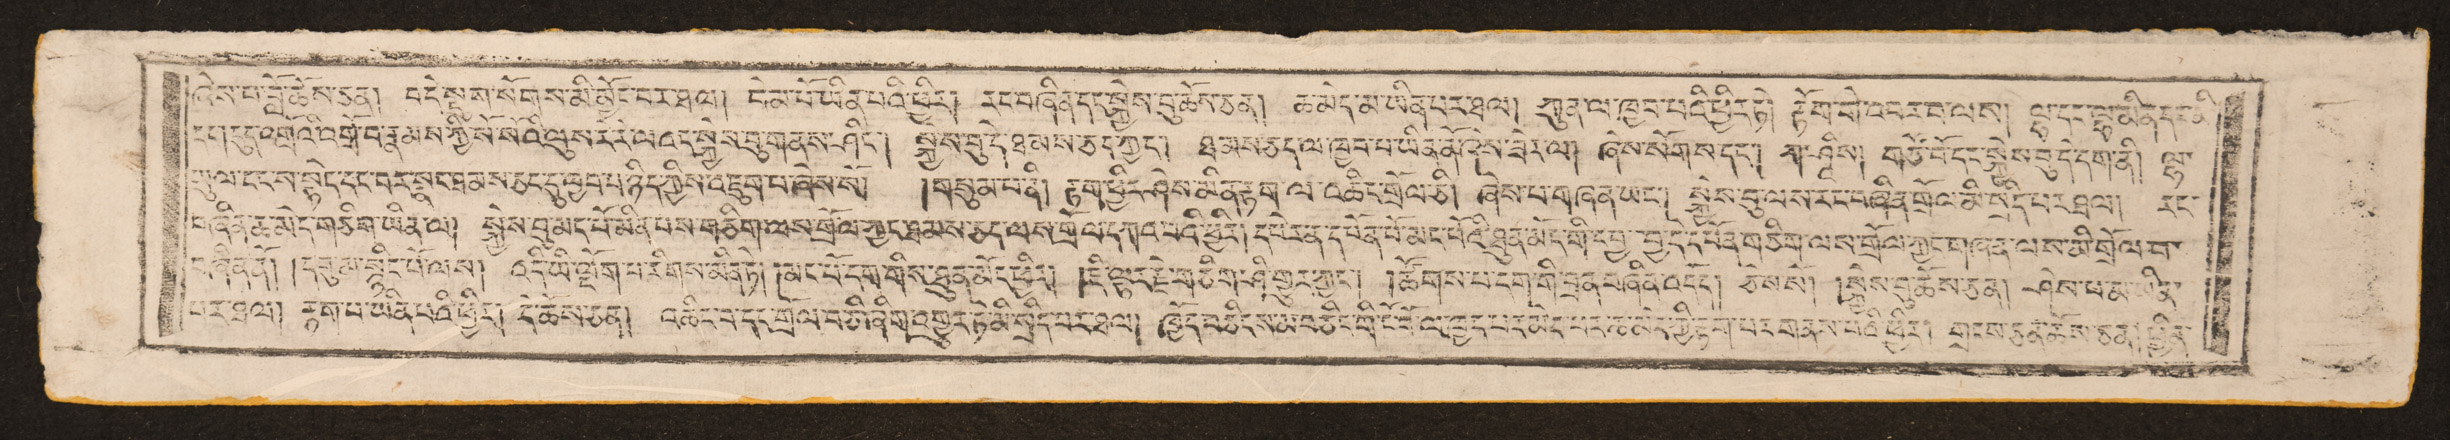ཞེས་པ་བློ་ཆོས་ཅན། བདེ་སྡུག་སོགས་མི་མྱོང་བར་ཐལ། བེམ་པོ་ཡིན་པའི་ཕྱིར། རང་བཞིན་དང་སྐྱེས་བུ་ཆོས་ཅན། ཆ་མེད་མ་ཡིན་པར་ཐལ། ཀུན་ལ་ཁྱབ་པའི་ཕྱིར་ཏེ། རྟོག་གེ་འབར་བ་ལས། ལྷ་དང་ལྷ་མིན་དང་མི་
དང་། དུད་འགྲོའི་འགྲོ་བ་རྣམས་ཀྱི་སོ་སོའི་ལུས་རེ་རེ་ལའང་སྐྱེས་བུ་གནས་ཤིང་། སྐྱེས་བུ་དེ་ཐམས་ཅད་ཀྱང་། ཐམས་ཅད་ལ་ཁྱབ་པ་ཡིན་ནོ་ཞེས་ཟེར་ལ། ཞེས་སོགས་དང་། ཀ་ཤཱིས། གཙོ་བོ་དང་སྐྱེས་བུ་དེ་དག་ནི། ལྷ་
ཡུལ་དང་ས་སྟེང་དང་བར་སྣང་ཐམས་ཅད་དུ་ཁྱབ་པ་ཉིད་ཀྱིས་འཇུག་པ་ཞེས་སོ། །གསུམ་པ་ནི། རྟག་ཕྱིར་ཤེས་མིན་རྟག་ལ་འཆིང་གྲོལ་ཅི། ཞེས་པ་གཞན་ཡང་། སྐྱེས་བུ་ལས་རང་བཞིན་གྲོལ་མི་སྲིད་པར་ཐལ། རང་
བཞིན་ཆ་མེད་གཅིག་ཡིན་ལ། སྐྱེས་བུ་མང་པོ་མིན་པས་གཅིག་ལས་གྲོལ་ཀྱང་ཐམས་ཅད་ལས་གྲོལ་དཀའ་བའི་ཕྱིར། དཔེར་ན་དབོན་པོ་མང་པོའི་ཐུན་མོང་གི་དབྱ་བྱ་དེ་དཔོན་གཅིག་ལས་གྲོལ་ཀྱང་གཞན་ལས་མི་གྲོལ་བ་
བཞིན་ནོ། །དབུ་མ་སྙིང་པོ་ལས། འདི་ཡི་ལྡོག་པ་རིགས་མིན་ཏེ། །མང་པོ་དག་གིས་ཐུན་མོང་ཕྱིར། །ཇི་ལྟར་རྗེ་གཅིག་ཤི་གྱུར་ཀྱང་། །ཚོགས་པ་དག་གི་བྲན་བཞིན་འདོད། ཅེས་སོ། །སྐྱེས་བུ་ཆོས་ཅན། ཤེས་པ་མ་ཡིན་
པར་ཐལ། རྟག་པ་ཡིན་པའི་ཕྱིར། དེ་ཆོས་ཅན། འཆིང་བ་དང་གྲོལ་བ་ཅི་ཞིག་འགྱུར་ཏེ་མི་སྲིད་པར་ཐལ། ཁྱོད་བཅིངས་མ་བཅིང་གི་ངོ་བོ་ལ་ཁྱད་པར་མེད་པར་ཆ་མེད་ཀྱི་རྟག་པར་གནས་པའི་ཕྱིར། གྲངས་ཅན་ཆོས་ཅན། ཕྱིན་